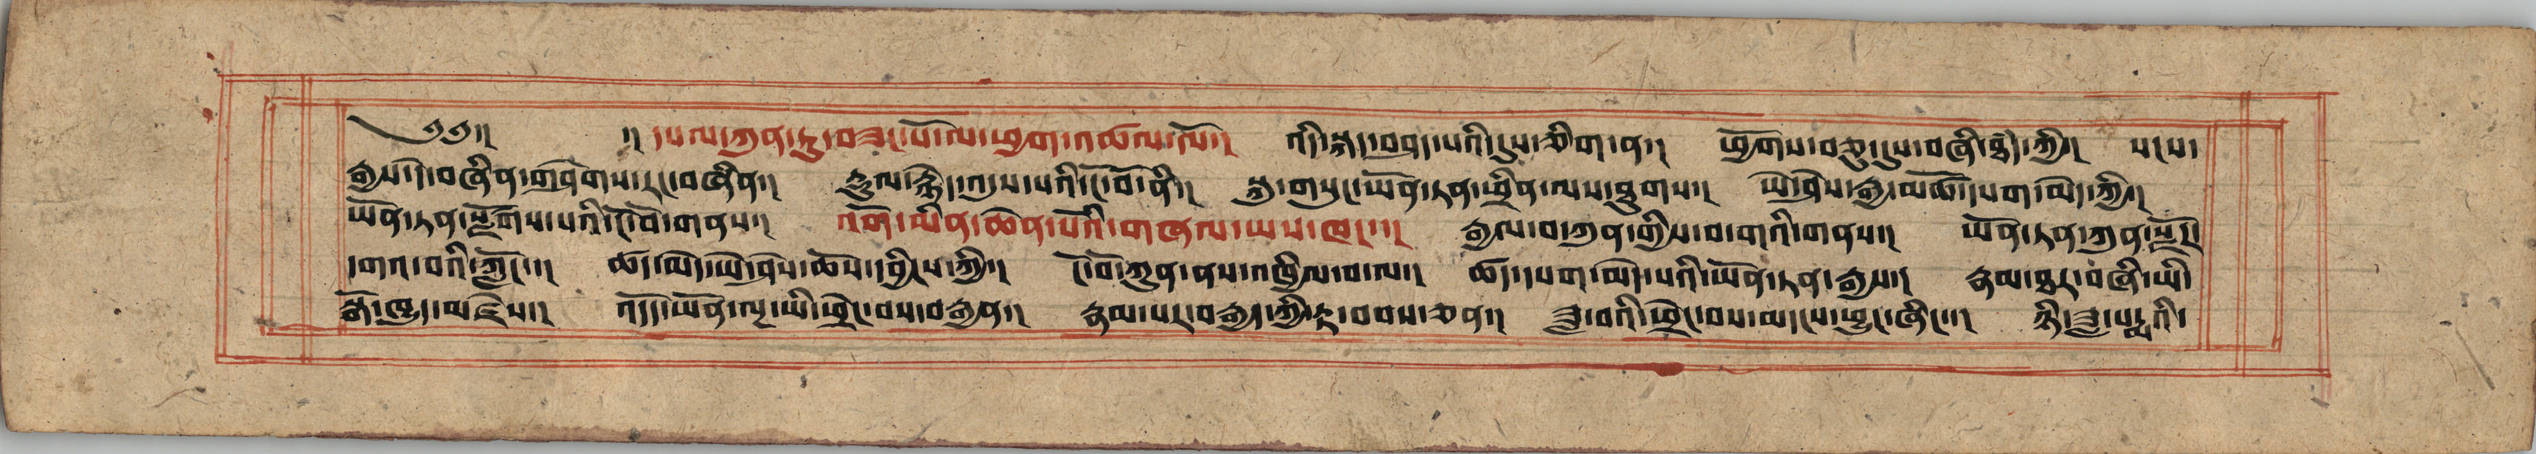༄༅་། ་།དཔལ་ཀུན་ཏུ་བཟང་པོ་ལ་ཕྱག་འཚལ་ལོ་། འདི་སྐད་བཤད་པའི་དུས་ཅིག་ན་། ཕྱོགས་བཅུ་དུས་བཞི་ཐདཾ་ཀྱི་། སངས་
རྒྱས་དེ་བཞིན་གཤེགས་རང་བཞིན་། རྡུལ་རྙེད་འདུས་པའི་ངོ་བོ་ནི་། སྐུ་གསུང་ཡོན་ཏན་ཕྲིན་ལས་ཐུགས་། ཡེ་ཤེས་རྒྱ་མཚོ་དཔག་མེད་ཀྱི་།
ཡོན་ཏན་སྫོགས་པའི་ངོབ་ོ་གནས་། འོག་མིན་ཆེན་པོའི་གཞལ་ཡས་ཁང་་། རྒྱལ་བ་ཀུན་གྱིས་བ་གའི་གནས་། ཡོན་ཏན་ཀུན་སྫོཌ་
དགའ་བའི་ཀློང་་། ཚད་མེད་ཡེ་ཤེས་ཆོས་དབྱིངས་ཀྱི་། ངོ་བོ་ཀུན་ནས་འཁྱིལ་བ་ལ་། ཚད་དཔག་མེད་པའི་ཡོན་ཏན་རྒྱས་། རྣམ་ཐར་བཞི་ཡི་
སྒོ་ཁྱུད་མཛེས་། འདོད་ཡོན་ལྔ་ཡི་ཕྲེང་བས་བརྒྱན་། རྣམ་པར་བརྒྱད་ཀྱི་རྟ་བབས་ཅན་། ཟླ་བའི་ཕྲེང་བས་མདངས་ཕྱུང་ཞིང་་། ཉི་ཟླ་པདྨའི་